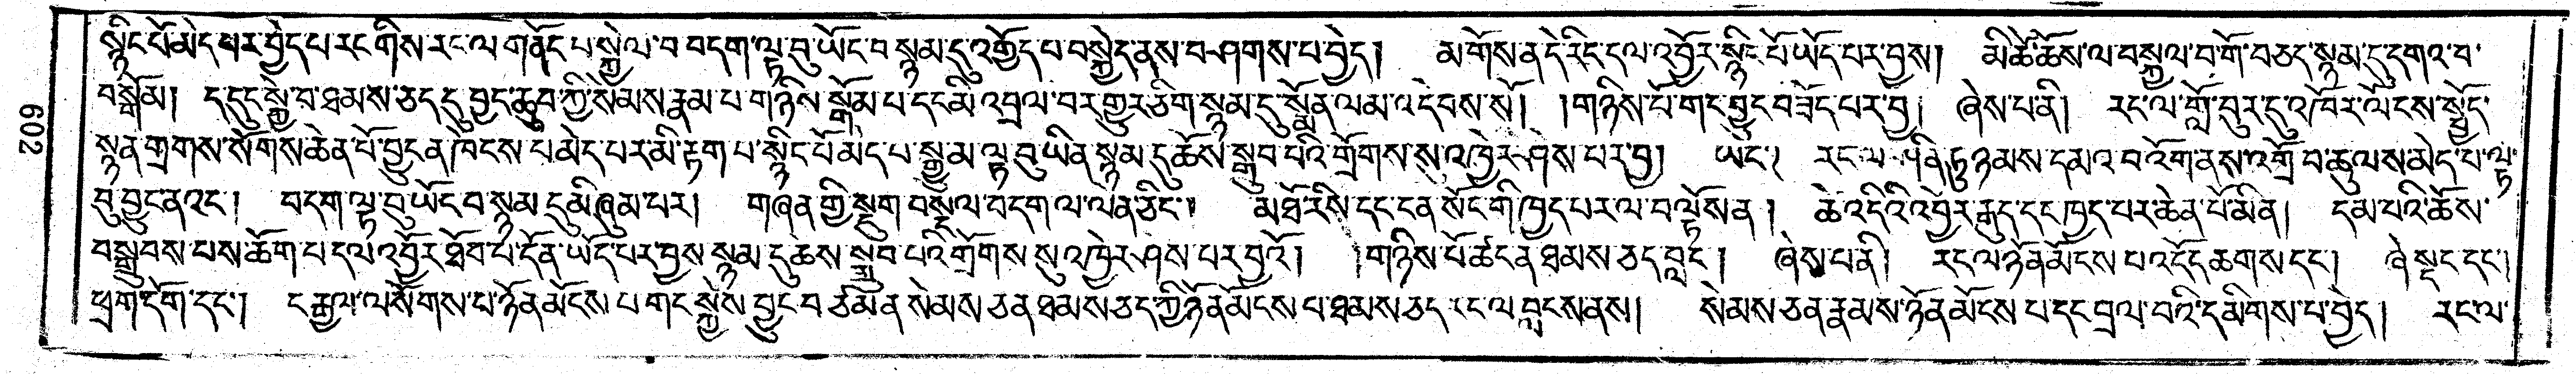སྙིང་པོ་མེད་པར་བྱེད་པ་རང་གིས་རང་ལ་གནོད་པ་སྐྱེལ་བ་བདག་ལྟ་བུ་ཡོང་བསྙམ་དུ་འགྱོད་པ་བསྐྱེད་ནས་བཤགས་པ་བྱེད། མགོས་ན་དེ་རིང་དལ་འབྱོར་སྙིང་པོ་ཡོད་པར་བྱས། མི་ཚེ་ཆོས་ལ་བསྐྱལ་བ་གོ་བཅད་སྙམ་དུ་དགའ་བ་
བསྒོམ། ད་དུང་སྐྱེ་བ་ཐམས་ཅད་དུ་བྱང་ཆུབ་ཀྱི་སེམས་རྣམ་པ་གཉིས་སྒོམ་པ་དང་མི་འབྲལ་བར་གྱུར་ཅིག་སྙམ་དུ་སྨོན་ལམ་འདེབས་སོ། །གཉིས་པོ་གང་བྱུང་བཟོད་པར་བྱ། ཞེས་པ་ནི། རང་ལ་གློ་བུར་དུ་འཁོར་ལོངས་སྤྱོད་
སྙན་གྲགས་སོགས་ཆེན་པོ་བྱུང་ན་ཁེངས་པ་མེད་པར་མི་རྟག་པ་སྙིང་པོ་མེད་པ་སྒྱུ་མ་ལྟ་བུ་ཡིན་སྙམ་དུ་ཆོས་སྒྲུབ་པའི་གྲོགས་སུ་འཁྱེར་ཤེས་པར་བྱ། ཡང༑ རང་ལ་ཤིན་ཏུ་ཉམས་དམའ་བ་འོག་ནས་འགྲོ་བ་ཆུ་ལས་མེད་པ་ལྟ་
བུ་བྱུང་ནའང་། བདག་ལྟ་བུ་ཡོང་བསྙམ་དུ་མི་ཞུམ་པར། གཞན་གྱི་སྡུག་བསྔལ་བདག་ལ་ལེན་ཅིང་། མཐོ་རིས་དང་ངན་སོང་གི་ཁྱད་པར་ལ་བལྟོས་ན། ཚེ་འདིའི་འབྱོར་རྒུད་དང་ཁྱད་པར་ཆེན་པོ་མིན། དམ་པའི་ཆོས་
བསྒྲུབས་པས་ཆོག་པ་དལ་འབྱོར་ཐོབ་པ་དོན་ཡོད་པར་བྱས་སྙམ་དུ་ཆེས་སྒྲུབ་པའི་གྲོགས་སུ་འཁྱེར་ཤེས་པར་བྱའོ། །གཉིས་པོ་ཚང་ན་ཐམས་ཅད་བླང་། ཞེས་པ་ནི། རང་ལ་ཉོན་མོངས་པ་འདོད་ཆགས་དང་། ཞེ་སྡང་དང་།
ཕྲག་དོག་དང་། ང་རྒྱལ་ལ་སོགས་པ་ཉོན་མོངས་པ་གང་སྐྱེས་བྱུང་བ་ཙམ་ན་སེམས་ཅན་ཐམས་ཅད་ཀྱི་ཉོན་མོངས་པ་ཐམས་ཅད་རང་ལ་བླངས་ནས། སེམས་ཅན་རྣམས་ཉོན་མོངས་པ་དང་བྲལ་བའི་དམིགས་པ་བྱེད། རང་ལ་